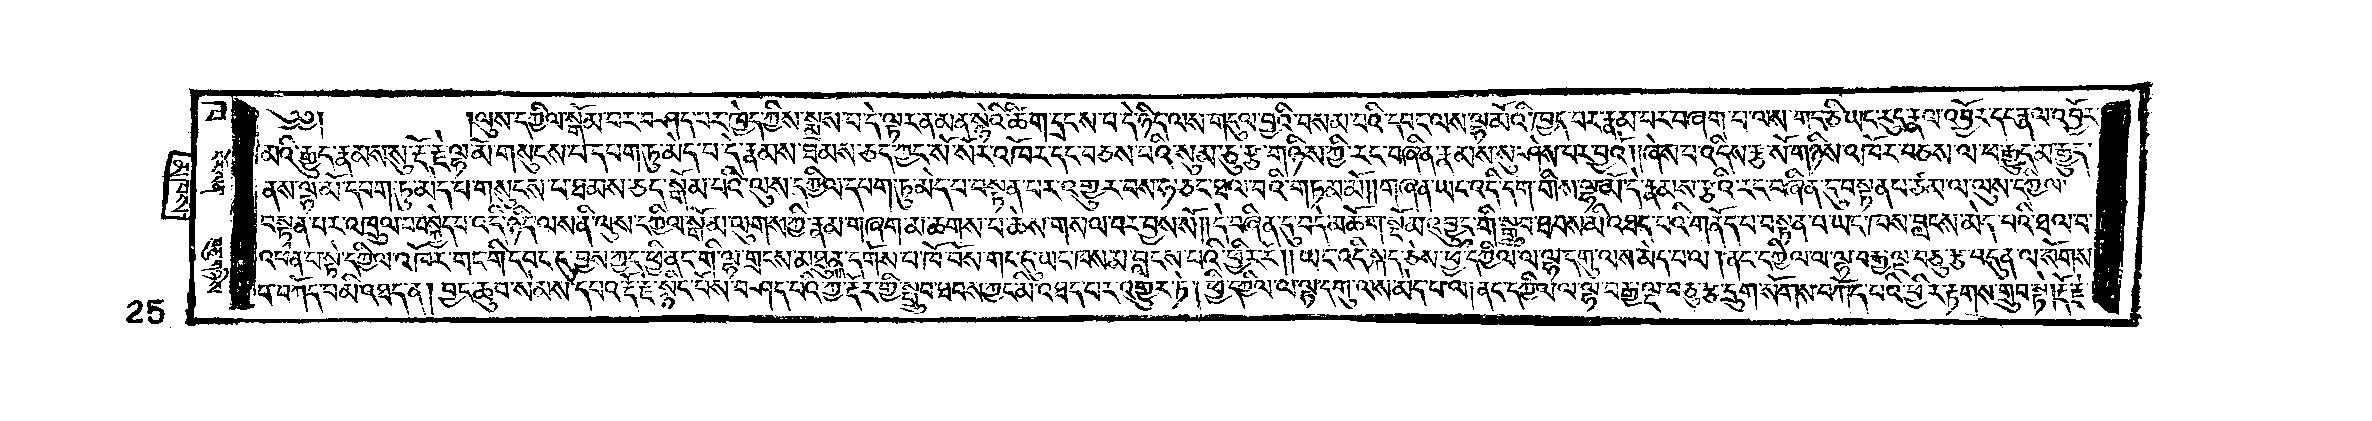༄༅། །ལུས་དཀྱིལ་སྒོམ་པར་བཤད་པར་ཁྱེད་ཀྱིས་སྨྲས་པ་དེ་ལྟར་ན་མན་སྙེའི་ཚིག་དྲངས་པ་དེ་ཉིད་ལས་གདུལ་བྱའི་བསམ་པའི་དབང་ལས་ལྷ་མོའི་ཁྱད་པར་རྣམ་པར་བཞག་པ་ལས་གང་ཅི་ཡང་རུང་རྣལ་འབྱོར་དང་རྣལ་འབྱོར་
མའི་རྒྱུད་རྣམས་སུ་རྡོ་རྗེ་ལྷ་མོ་གསུངས་པ་དཔག་ཏུ་མེད་པ་དེ་རྣམས་ཐམས་ཅད་ཀྱང་སོ་སོར་འཁོར་དང་བཅས་པའི་སུམ་ཅུ་རྩ་གཉིས་ཀྱི་རང་བཞིན་རྣམས་སུ་ཤེས་པར་བྱའོ། །ཞེས་པ་འདིས་རྩ་སོ་གཉིས་འཁོར་བཅས་ལ་ཕ་རྒྱུད་མ་རྒྱུད་
ནས་ལྷ་མོ་དཔག་ཏུ་མེད་པ་གསུངས་པ་ཐམས་ཅད་སྒོམ་པའི་ལུས་དཀྱིལ་དཔག་ཏུ་མེད་པ་བསྟན་པར་འགྱུར་བས་ཧ་ཅང་ཐལ་བའི་གཏམ་མོ། །གཞན་ཡང་འདི་དག་གིས་ལྷ་མོ་དེ་རྣམས་རྩའི་རང་བཞིན་དུ་བསྟན་པ་ཙམ་ལ་ལུས་དཀྱིལ་
བསྟན་པར་འཁྲུལ་པ་བསྐྱེད་པ་འདི་ཉིད་ལས་ནི་ལུས་དཀྱིལ་སྒོམ་ལུགས་ཀྱི་རྣམ་གཞག་མ་ཆགས་པ་ཆེས་གསལ་བར་བྱས་སོ། །དེ་བཞིན་དུ་བདེ་མཆོག་སྡོམ་འབྱུང་གི་སྒྲུབ་ཐབས་མི་འཐད་པའི་གནོད་པ་བསྟན་པ་ཡང་ཁས་བླངས་མེད་པའི་ཐལ་བ་
འཕེན་པ་སྟེ་དཀྱིལ་འཁོར་གང་གི་དབང་དུ་བྱས་ཀྱང་ཕྱི་ནང་གི་ལྷ་གྲངས་མཐུན་དགོས་པ་ཁོ་བོས་གང་དུ་ཡང་ཁས་མ་བླངས་པའི་ཕྱིར་རོ། །ཡང་འདི་སྐད་ཅེས་ཕྱི་དཀྱིལ་ལ་ལྷ་དགུ་ལས་མེད་པ་ལ། ནང་དཀྱིལ་ལ་ལྷ་བརྒྱ་ལྔ་བཅུ་རྩ་བདུན་ལ་སོགས་
པ་བཀོད་པ་མི་འཐད་ན། བྱང་ཆུབ་སེམས་དཔའ་རྡོ་རྗེ་སྙིང་པོས་བཤད་པའི་ཀྱཻ་རྡོར་གྱི་སྒྲུབ་ཐབས་ཀྱང་མི་འཐད་པར་འགྱུར་ཏེ། ཕྱི་དཀྱིལ་ལ་ལྷ་དགུ་ལས་མེད་པ་ལ། ནང་དཀྱིལ་ལ་ལྷ་བརྒྱ་ལྔ་བཅུ་རྩ་དྲུག་སོགས་བཀོད་པའི་ཕྱིར་རྟགས་གྲུབ་སྟེ། རྡོ་རྗེ་